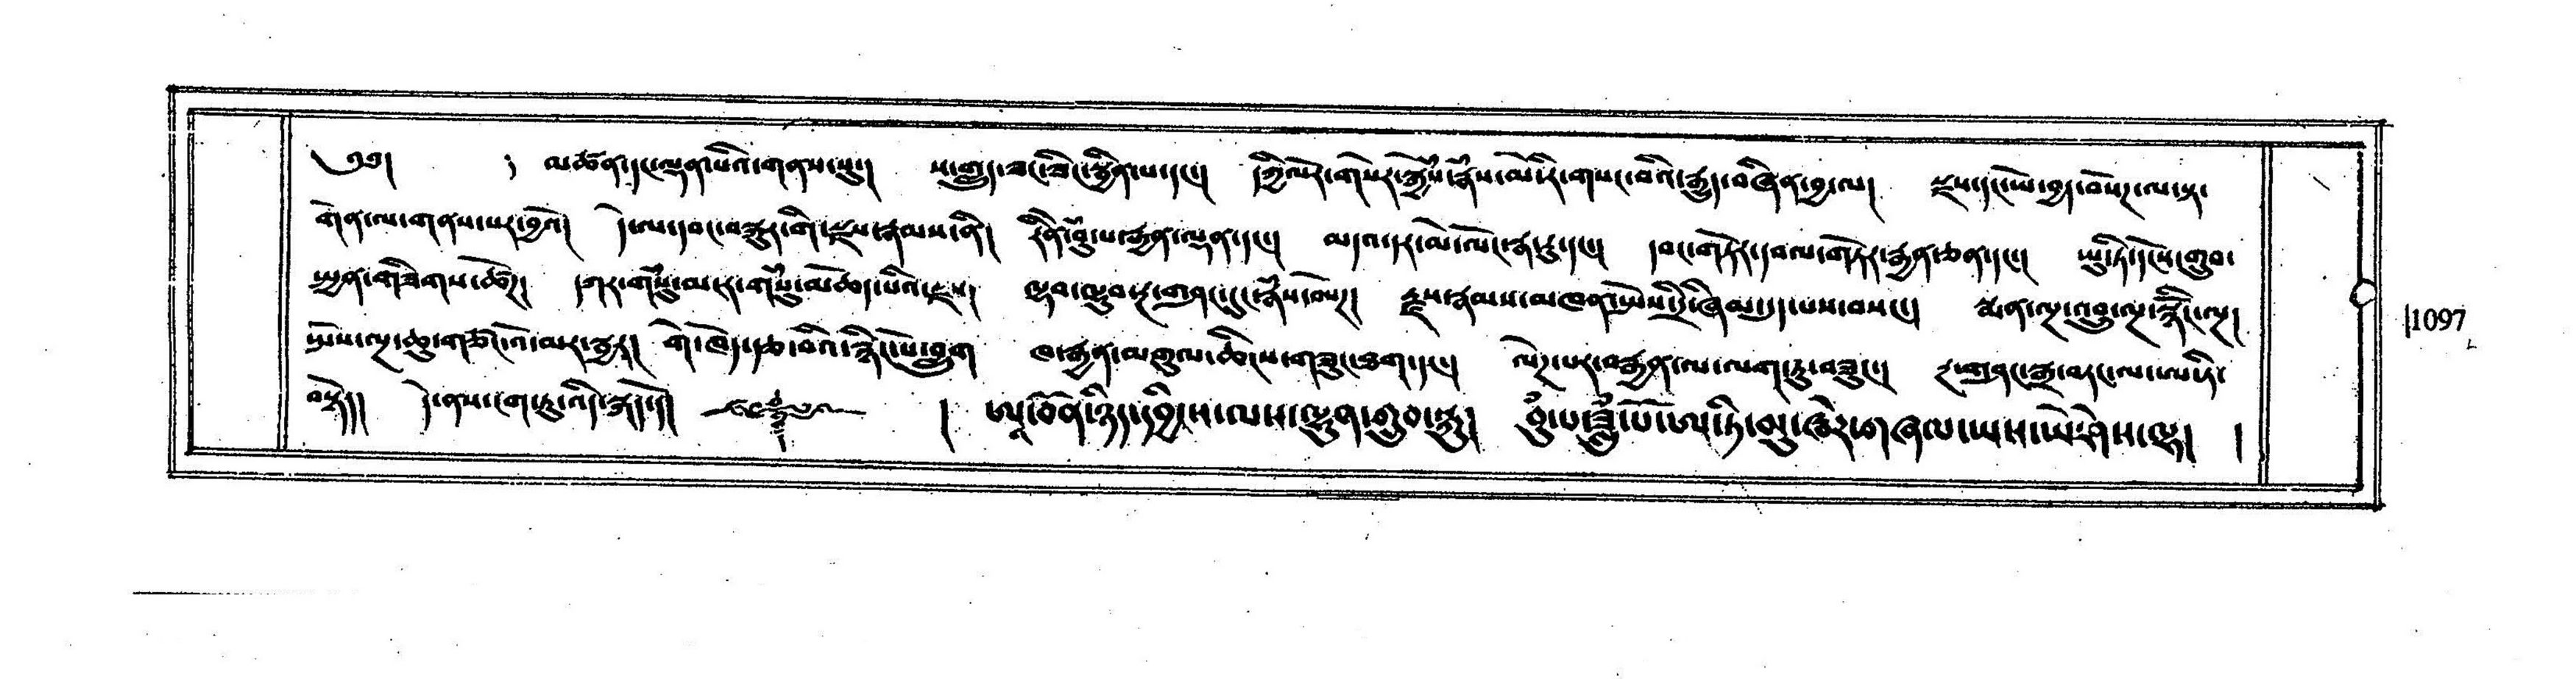མཚན་དང་ལྡན་པའི་གནས་སུ། ས་གླུད་ཟང་ཟིང་སྦྱིན་པ་དང་། དཀྱིལ་འཁོར་གསེར་སྐྱེམས་རྣམས་མེ་རི་གསང་བའི་རྒྱུད་བཞིན་བྱ་ལ། རྫས་དང་ཡོ་བྱད་བསོགས་ལ་སྟ་
གོན་ལ་གནས་པར་བྱའོ། དེ་ལ་དབང་བསྐུར་གྱི་རྫས་རྣམས་ནི། རིན་ཆེན་བུམ་པ་རྒྱན་ལྡན་དང་། མདའ་དར་མེ་ལོང་རྣ་རུ་དང་། དབང་གཏོར་དབལ་གཏོར་རྒྱན་ཅན་དང་། ཡུ་ཏི་དངོས་གྲུབ་
སྤྱན་གཟིགས་ཚོགས། དཀར་གསུམ་མངར་གསུམ་མཆོད་པའི་རྫས། ལྷབ་ལྷུབ་རྔ་གཤང་དུང་རྣམས་བསོགས། རྫས་རྣམས་མཁན་སྤོས་དྲི་ཞིམ་དུད་པས་བསང་། སྨན་ལྔ་འབྲུ་ལྔ་སྙིང་པོ་ལྔ། 
སྤོས་ལྔ་ཆུ་གཙང་འོ་མར་སྦྱར། གེ་ཁོད་རྩ་བའི་སྙིང་པོ་བླུག ཁ་རྒྱན་མགུལ་ཆིངས་གཟུང་ཐག་དང་། ལེགས་པར་བརྒྱན་ལ་ལག་ཏུ་བཟུང་། རྔ་གཤང་སྒྲ་བཏང་ལ་ཨ་ཏི་
བསྟོད། དེ་ནས་ངག་ཏུ་འདི་སྐད་དོ། །།ཨཱ་བོན་ཉིད་དབྱིངས་ལས་ལྷུན་གྲུབ་སྐུ། བུམ་པ་ཟླུམ་པོ་ཨ་ཏི་མུ་ཝེར་གཞལ་ཡས་ཡེ་ཤེས་ལྷ།